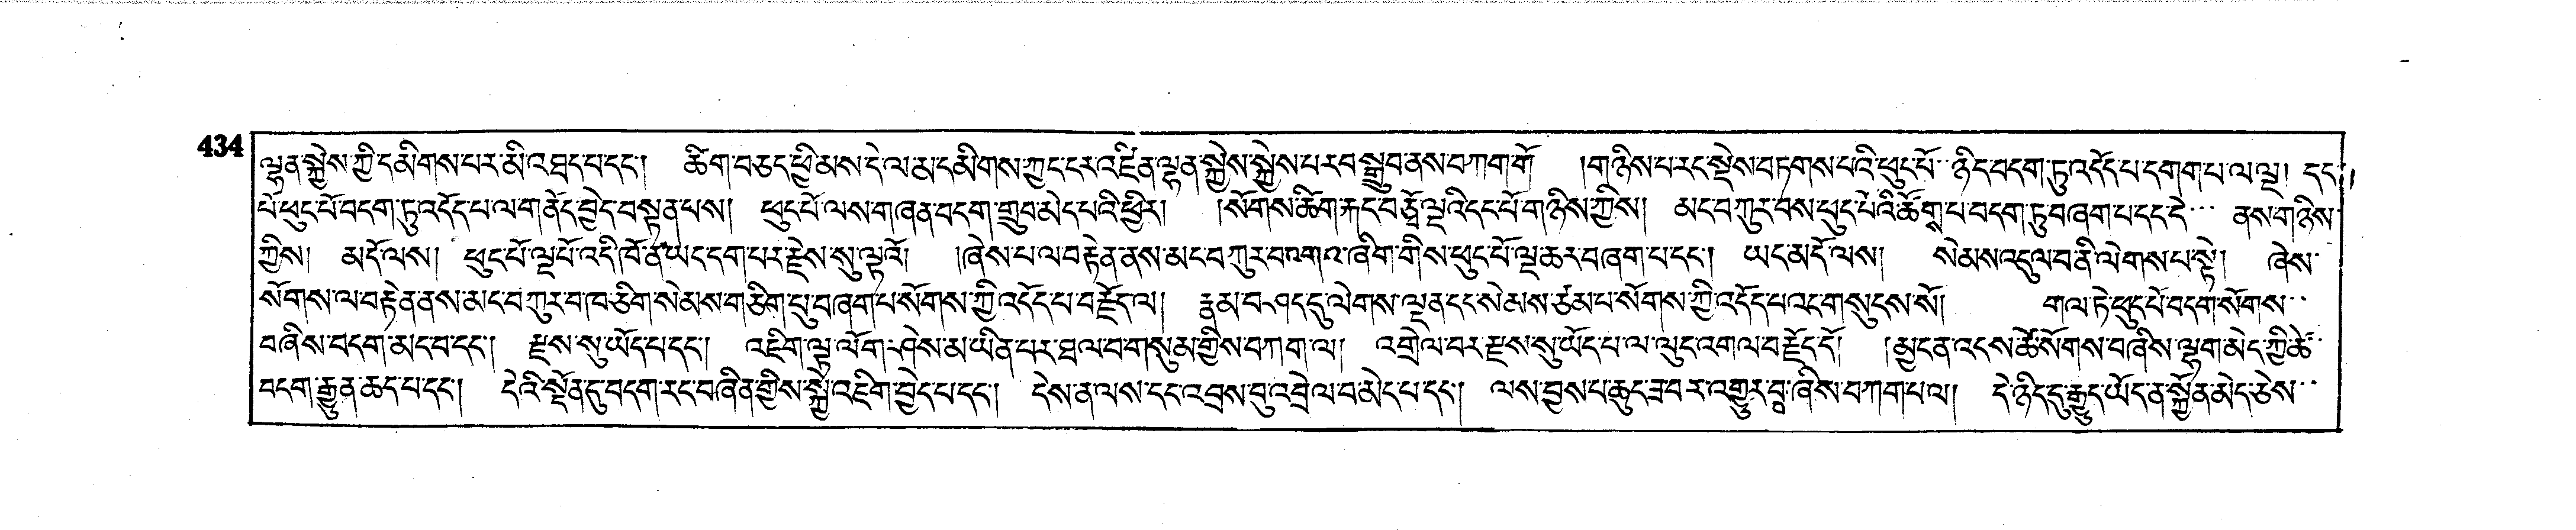ལྷན་སྐྱེས་ཀྱི་དམིགས་པར་མི་འཐད་པ་དང་། ཚིག་བཅད་ཕྱི་མས་དེ་ལ་མ་དམིགས་ཀྱང་ངར་འཛིན་ལྷན་སྐྱེས་སྐྱེས་པར་བསྒྲུབ་ནས་བཀག་གོ །གཉིས་པ་རང་སྡེས་བཏགས་པའི་ཕུང་པོ་ཉིད་བདག་ཏུ་འདོད་པ་དགག་པ་ལ་ལྔ། དང་
པོ་ཕུང་པོ་བདག་ཏུ་འདོད་པ་ལ་གནོད་བྱེད་བསྟན་པས། ཕུང་པོ་ལས་གཞན་བདག་གྲུབ་མེད་པའི་ཕྱིར། །སོགས་ཚིག་རྐང་བཅོ་ལྔའི་དང་པོ་གཉིས་ཀྱིས། མང་བཀུར་བས་ཕུང་པོའི་ཚོགས་པ་བདག་ཏུ་བཞག་པ་དང་དེ་ནས་གཉིས་
ཀྱིས། མདོ་ལས། ཕུང་པོ་ལྔ་པོ་འདི་ཁོ་ན་ཡང་དག་པར་རྗེས་སུ་ལྟའོ། །ཞེས་པ་ལ་བརྟེན་ནས་མང་བཀུར་བ་འགའ་ཞིག་གིས་ཕུང་པོ་ལྔ་ཆར་བཞག་པ་དང་། ཡང་མདོ་ལས། སེམས་འདུལ་བ་ནི་ལེགས་པ་སྟེ། ཞེས་
སོགས་ལ་བརྟེན་ནས་མང་བཀུར་བ་ཁ་ཅིག་སེམས་གཅིག་པུ་བཞག་པ་སོགས་ཀྱི་འདོད་པ་བརྗོད་ལ། རྣམ་བཤད་དུ་ལེགས་ལྡན་དང་སེམས་ཙམ་པ་སོགས་ཀྱི་འདོད་པའང་གསུངས་སོ། གལ་ཏེ་ཕུང་པོ་བདག་སོགས་
བཞིས་བདག་མང་བ་དང་། རྫས་སུ་ཡོད་པ་དང་། འཇིག་ལྟ་ལོག་ཤེས་མ་ཡིན་པར་ཐལ་བ་གསུམ་གྱིས་བཀག་ལ། འགྲེལ་བར་རྫས་སུ་ཡོད་པ་ལ་ལུང་འགལ་བརྗོད་དོ། །མྱ་ངན་འདས་ཚེ་སོགས་བཞིས་ལྷག་མེད་ཀྱི་ཚེ་
བདག་རྒྱུན་ཆད་པ་དང་། དེའི་སྔོན་དུ་བདག་རང་བཞིན་གྱིས་སྐྱེ་འཇིག་བྱེད་པ་དང་། དེས་ན་ལས་དང་འབྲས་བུ་འབྲེལ་བ་མེད་པ་དང་། ལས་བྱས་པ་ཆུད་ཟ་བར་འགྱུར་བབ་ཞིས་བཀག་པ་ལ། དེ་ཉིད་དུ་རྒྱུད་ཡོད་ན་སྐྱོན་མེད་ཅེས་